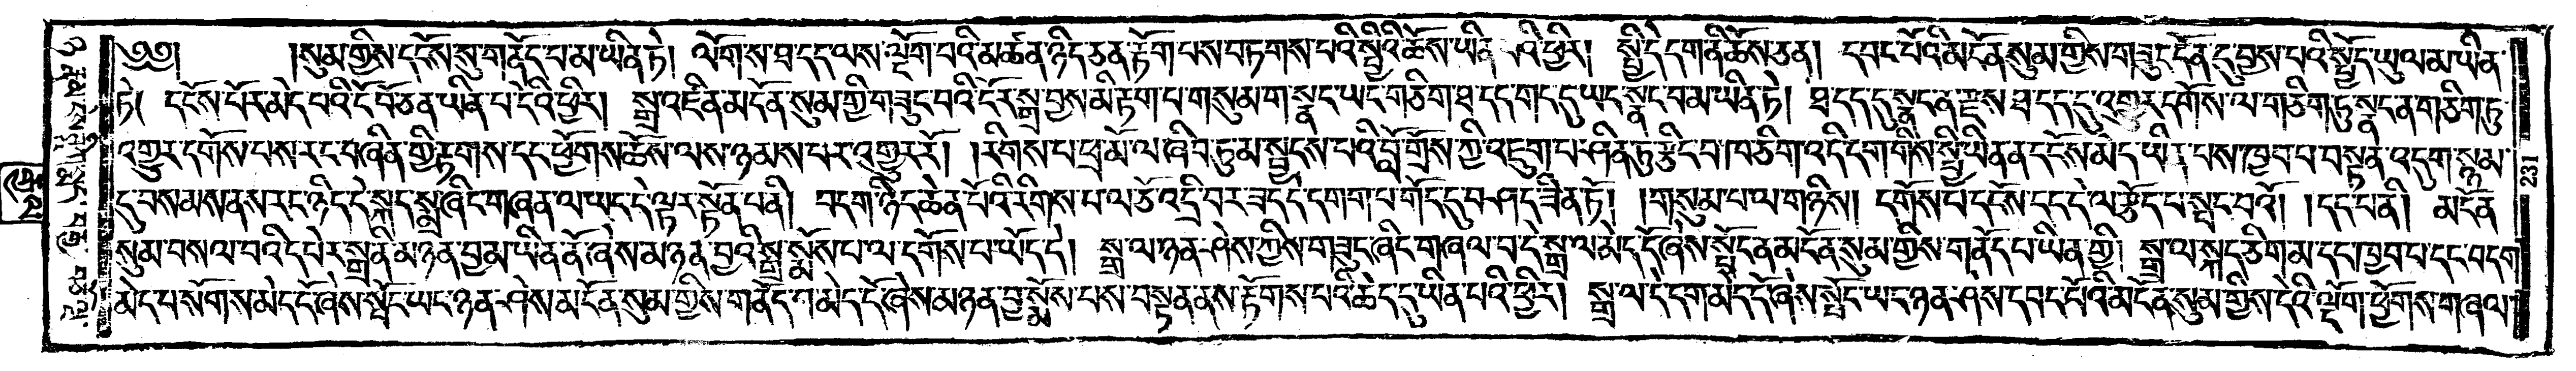༄༅། །སུམ་གྱིས་དངོས་སུ་གནོད་པ་མ་ཡིན་ཏེ། ལོགས་ཐ་དད་ལས་ལྡོག་པའི་མཚན་ཉིད་ཅན་རྟོག་པས་བཏགས་པའི་སྤྱིའི་ཆོས་ཡིན་པའི་ཕྱིར། སྤྱི་དེ་དག་ནི་ཆོས་ཅན། དབང་པོའི་མངོན་སུམ་གྱིས་གཟུང་དོན་དུ་བྱས་པའི་སྤྱོད་ཡུལ་མ་ཡིན་
ཏེ། དངོས་པོར་མེད་པའི་ངོ་བོ་ཅན་ཡིན་པ་དེའི་ཕྱིར། སྒྲ་འཛིན་མངོན་སུམ་གྱི་གཟུང་བའི་ངོར་སྒྲ་བྱས་མི་རྟག་པ་གསུམ་ག་སྣང་ཡང་གཅིག་ཐ་དད་གང་དུ་ཡང་སྣང་བ་མ་ཡིན་ཏེ། ཐ་དད་དུ་སྣང་ན་རྫས་ཐ་དད་དུ་འགྱུར་དགོས་ལ་གཅིག་ཏུ་སྣང་ན་གཅིག་ཏུ་
འགྱུར་དགོས་པས་རང་བཞིན་གྱི་རྟགས་དང་ཕྱོགས་ཆོས་ལས་ཉམས་པར་འགྱུར་རོ། །རིགས་པ་ཕྲ་མོ་ལ་ཞིབ་ཏུ་མ་སྦྱངས་པའི་བློ་གྲོས་ཀྱི་འཇུག་པ་ཤིན་ཏུ་རྩིང་བ་ཁ་ཅིག་འདི་དག་གིས་སྤྱི་ཡིན་ན་དངོས་མེད་ཡིན་པས་ཁྱབ་པ་བསྟན་འདུག་སྙམ་
དུ་བསམས་ནས་རང་ཉིད་དེ་སྐད་སྨྲ་ཞིང་གཞན་ལ་ཡང་དེ་ལྟར་སྟོན་པ་ནི། བདག་ཉིད་ཆེན་པོའི་རིགས་པ་ལ་ཅོ་འདྲི་བར་ཟད་དེ་དགག་པ་གོང་དུ་བཤད་ཟིན་ཏོ། །གསུམ་པ་ལ་གཉིས། དགོས་པ་དངོས་དང་དེ་ལ་རྩོད་པ་སྤང་བའོ། །དད་པ་ནི། མངོན་
སུམ་བསལ་བའི་དཔེར་སྒྲ་ནི་མཉན་བྱ་མ་ཡིན་ནོ་ཞེས་མཉན་བྱའི་སྒྲ་སྨོས་པ་ལ་དགོས་པ་ཡོད་དེ། སྒྲ་ལ་ཉན་ཤེས་ཀྱིས་གཟུང་ཞིང་གཞལ་བ་དེ་སྒྲ་ལ་མེད་དོ་ཞེས་སྤོང་ན་མངོན་སུམ་གྱིས་གནོད་པ་ཡིན་གྱི། སྒྲ་ལ་སྐད་ཅིག་མ་དང་ཁྱབ་པ་དང་བདག་
མེད་པ་སོགས་མེད་དོ་ཞེས་སྤོང་ཡང་ཉན་ཤེས་མངོན་སུམ་གྱིས་གནོད་བ་མེད་དོ་ཞེས་མཉན་བྱ་སྨོས་པས་བསྟན་ནས་རྟོགས་པའི་ཆེད་དུ་ཡིན་པའི་ཕྱིར། སྒྲ་ལ་དག་མེད་དོ་ཞེས་སྤོང་ཡང་ཉན་ཤེས་དབང་པོའི་མངོན་སུམ་གྱིས་དེའི་ལྡོག་ཕྱོགས་གཞལ་